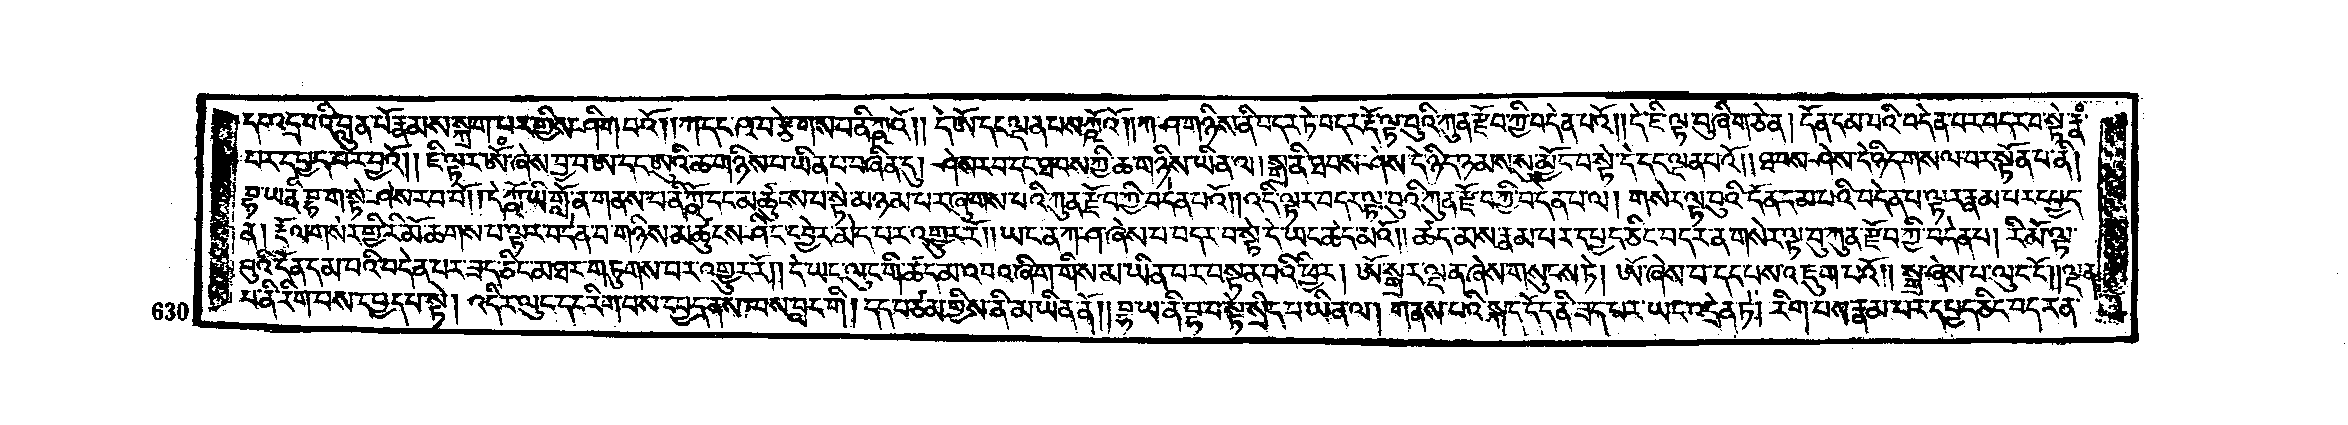དང་འདྲ་བའི་བླུན་པོ་རྣམས་སྐྲག་པར་གྱིས་ཤིག་པའོ། །ཀ་དང་ཥ་བརྩེགས་པ་ནི་ཀྵའོ། །དེ་ཨོ་དང་ལྡན་པས་ཀྵོའོ། །ཀ་ཤ་གཉིས་ནི་བདར་ཏེ་བདར་རྡོ་ལྟ་བུའི་ཀུན་རྫོབ་ཀྱི་བདེན་པའོ། །དེ་ཇི་ལྟ་བུ་ཞིག་ཅེ་ན། དོན་དམ་པའི་བདེན་པར་བདར་བ་སྟེ་རྣཾ་
པར་དཔྱད་བར་བྱའོ། །ཇི་ལྟར་ཨོཾ་ཞེས་བྱ་བ་ཨ་དང་ཨུའི་ཆ་གཉིས་པ་ཡིན་པ་བཞིན་དུ། ཤེས་རབ་དང་ཐབས་ཀྱི་ཆ་གཉིས་ཡིན་ལ། སྒྲ་ནི་ཐབས་ཤེས་དེ་ཉིད་ཉམས་སུ་མྱོང་བ་སྟེ་དེ་དང་ལྡན་པའོ། །ཐབས་ཤེས་དེ་ཉིད་གསལ་བར་སྟོན་པ་ནི།
བྷ་ཡ་ནི་བྷ་ག་སྟེ་ཤེས་རབ་པོ། །དེ་ཀྵོ་ཡི་གློ་ན་གནས་པ་ནི་ཀྵོ་དང་མཚུངས་པ་སྟེ་མཉམ་པར་ཞུགས་པའི་ཀུན་རྫོབ་ཀྱི་བདེན་པའོ། །འདི་ལྟར་བདར་ལྟ་བུའི་ཀུན་རྫོབ་ཀྱི་བདེན་པ་ལ། གསེར་ལྟ་བུའི་དོན་དམ་པའི་བདེན་པ་ལྟར་རྣམ་པར་དཔྱད་
ན། རྡོལ་གསེར་གྱི་རི་མོ་ཆགས་པ་ལྟར་བདེན་པ་གཉིས་མཚུངས་ཤིང་དབྱེར་མེད་པར་འགྱུར་རོ། །ཡང་ན་ཀ་ཤ་ཞེས་པ་བདར་བ་སྟེ་དེ་ཡང་ཚད་མའོ། །ཚད་མས་རྣམ་པར་དཔྱད་ཅིང་བདར་ན་གསེར་ལྟ་བུ་ཀུན་རྫོབ་ཀྱི་བདེན་པ། རི་མོ་ལྟ་
བུའི་དོན་དམ་པའི་བདེན་པར་ཟད་ཅིང་མཐར་གཏུགས་པར་འགྱུར་རོ། །དེ་ཡང་ལུང་གི་ཚད་མ་འབའ་ཞིག་གིས་མ་ཡིན་པར་བསྟན་པའི་ཕྱིར། ཨོ་སྒྲར་ལྡན་ཞེས་གསུངས་ཏེ། ཨོ་ཞེས་པ་དད་པས་འཇུག་པའོ། །སྒྲ་ཞེས་པ་ལུང་ངོ། །ལྡན་
པ་ནི་རིག་པས་དཔྱད་པ་སྟེ། འདིར་ལུང་དང་རིག་པས་དཔྱད་ནས་ཁས་བླང་གི། དད་པ་ཙམ་གྱིས་ནི་མ་ཡིན་ནོ། །བྷ་ཡ་ནི་བྷ་བ་སྟེ་སྲིད་པ་ཡིན་ལ། གནས་པའི་སྐད་དོད་ནི་ཟད་པར་ཡང་འདྲེན་ཏེ། རིག་པས་རྣམ་པར་དཔྱད་ཅིང་བདར་ན་